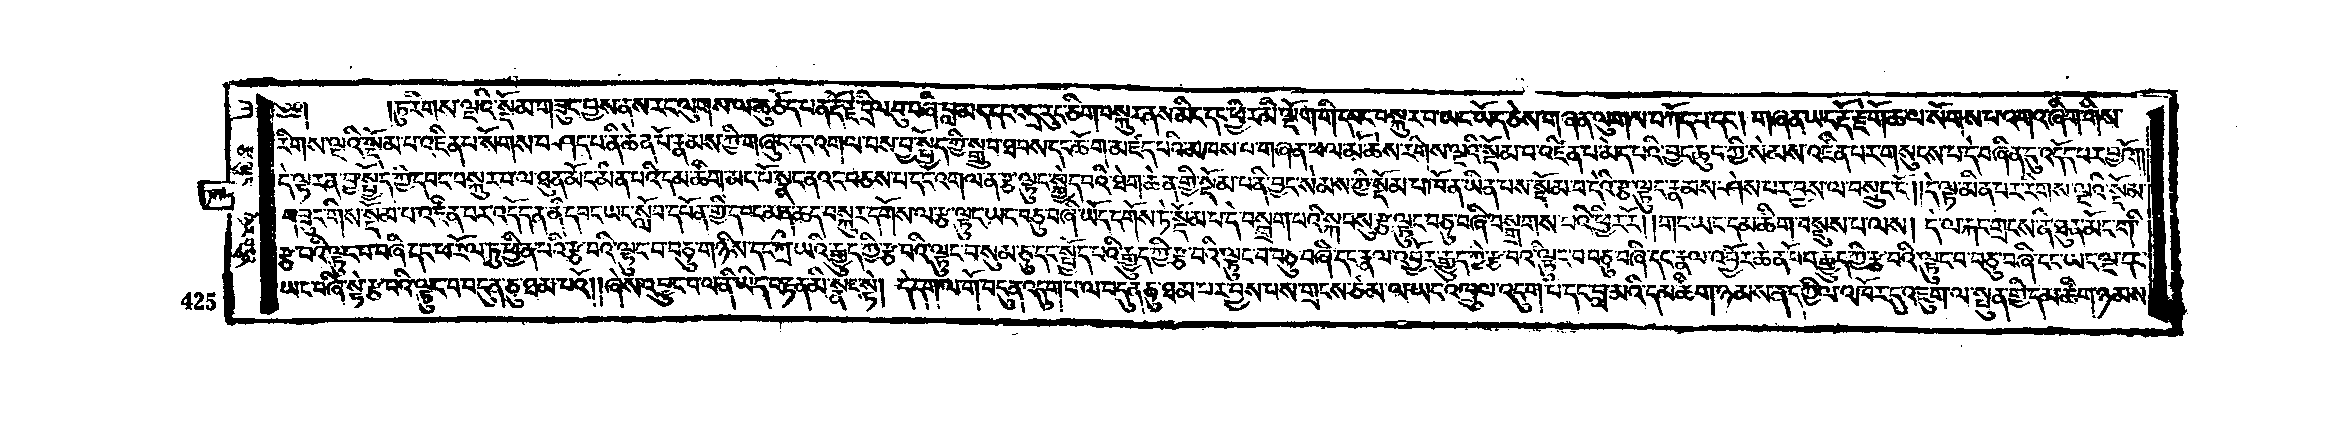༄༅། །ཏུ་རིགས་ལྔའི་སྡོམ་གཟུང་བྱས་ནས་རང་ལུགས་ལ་ཆུ་ཅོད་པན་རྡོ་རྗེ་དྲིལ་བུ་བཞི་བླ་མད་དང་འདྲ་རུང་ཅིག་བསྐུར་ནས་མིང་དང་ཕྱིར་མི་ལྡོག་གི་དབང་བསྐུར་བ་ཡང་ཡོད་ཅེས་གཞན་ལུགས་བཀོད་པ་དང་། གཞན་ཡང་རྡོ་རྗེ་གོ་ཆ་ལ་སོགས་པ་འགའ་ཞིག་གིས་
རིགས་ལྔའི་སྡོམ་པ་འཇིན་པ་སོགས་བཤད་པ་ནི་ཆེན་པོ་རྣམས་ཀྱི་གཞུང་དང་འགལ་བས་བྱ་སྤྱོད་ཀྱི་སྒྲུབ་ཐབས་དང་ཆོ་ག་མཛད་པའི་མཁས་པ་གཞན་ཕལ་མོ་ཆེས་རིགས་ལྔའི་སྡོམ་པ་འཛིན་པ་མེད་པའི་བྱང་ཆུབ་ཀྱི་སེམས་འཛིན་པར་གསུངས་པ་དེ་བཞིན་དུ་འདོད་པར་བྱའོ།།
དེ་ལྟར་ན་བྱ་སྤྱོད་ཀྱི་དབང་བསྐུར་བ་ལ་ཐུན་མོང་མིན་པའི་དམ་ཚིག་མང་པོ་སྣང་ནའང་བཅས་པ་དང་འགལ་ན་རྩ་ལྟུང་སྐྱེད་པའི་ཐེག་ཆེན་གྱི་སྡོམ་པ་ནི་བྱང་སེམས་ཀྱི་སྡོམ་པ་ཁོ་ན་ཡིན་པས་སྡོམ་པ་དེའི་རྩ་ལྟུང་རྣམས་ཤེས་པར་བྱས་ལ་བསྲུང་ངོ། །དེ་ལྟ་མིན་པར་རིགས་ལྔའི་སྡོམ་
གཟུང་གིས་སྡོམ་པ་འཛིན་པར་འདོད་ན་ནི་དབང་ཡང་སློབ་དཔོན་གྱི་དབང་མན་ཆད་བསྐུར་དགོས་ལ་རྩ་ལྟུང་ཡང་བཅུ་བཞི་ཡོད་དགོས་ཏེ་སྡོམ་པ་དེ་བསྒྲག་པའི་སྐབས་སུ་རྩ་ལྟུང་བཅུ་བཞི་བསྒྲགས་པའི་ཕྱིར་རོ། །གང་ཡང་དམ་ཚིག་བསྡུས་པ་ལས། དེ་ལ་རྐང་གྲངས་ནི་ཐུན་མོང་གི་
རྩ་བའི་ལྟུང་བ་བཞི་དང་ཕ་རོལ་ཏུ་ཕྱིན་པའི་རྩ་བའི་ལྟུང་བ་བཅུ་གཉིས་དང་ཀྲྀ་ཡའི་རྒྱུད་ཀྱི་རྩ་བའི་ལྟུང་བ་སུམ་ཅུ་དང་སྤྱོད་པའི་རྒྱུད་ཀྱི་རྩ་བའི་ལྟུང་བ་བཅུ་བཞི་དང་རྣལ་འབྱོར་རྒྱུད་ཀྱི་རྩ་བའི་ལྟུང་བ་བཅུ་བཞི་དང་རྣལ་འབྱོར་ཆེན་པོ་བརྒྱུད་ཀྱི་རྩ་བའི་ལྟུང་བ་བཅུ་བཞི་དང་ཡང་ལྔ་དང་
ཡང་བཞི་སྟེ་རྩ་བའི་ལྟུང་བ་བདུན་ཅུ་ཐམ་པའོ། །ཞེས་འབྱུང་བ་ལ་ནི་ཡིད་བརྟན་མི་སྣང་སྟེ། དེ་དག་ལ་གོ་བདུན་འདུག་པ་ལ་བདུན་ཅུ་ཐམ་པར་བྱས་པས་གྲངས་ཙམ་ལ་ཡང་འཁྲུལ་འདུག་པ་དང་བླ་མའི་དམ་ཚིག་ཉམས་ན་དཀྱིལ་འཁོར་དུ་འཇུག་ལ་སྤུན་གྱི་དམ་ཚིག་ཉམས་